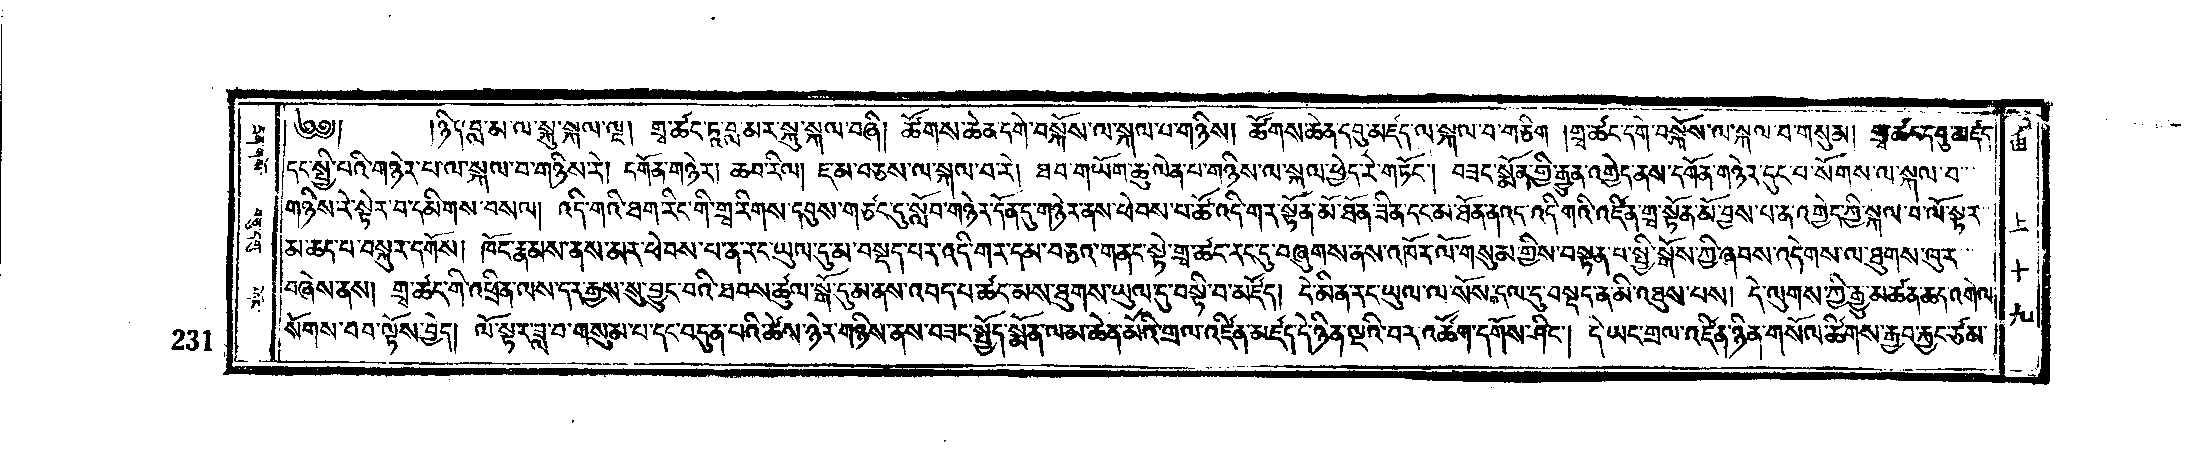༄༅། །ཉིད་བླ་མ་ལ་སྐུ་སྐལ་ལྔ། གྲྭ་ཚང་ཏཱ་བླ་མར་སྐུ་སྐལ་བཞི། ཚོགས་ཆེན་དགེ་བསྐོས་ལ་སྐལ་པ་གཉིས། ཚོགས་ཆེན་དབུ་མཛད་ལ་སྐལ་བ་གཅིག །གྲྭ་ཚང་དགེ་བསྐོས་ལ་སྐལ་བ་གསུམ། གྲྭ་ཚང་དབུ་མཛད་
དང་སྤྱི་པའི་གཉེར་པ་ལ་སྐལ་བ་གཉིས་རེ། དགོན་གཉེར། ཆབ་རིལ། ཇ་མ་བཅས་ལ་སྐལ་བ་རེ། ཐབ་གཡོག་ཆུ་ལེན་པ་གཉིས་ལ་སྐལ་ཕྱེད་རེ་གཏོང་། བཟང་སྨོན་གྱི་རྒྱུན་འགྱེད་ནས་དགོན་གཉེར་དུང་པ་སོགས་ལ་སྐལ་བ་
གཉིས་རེ་སྟེར་བ་དམིགས་བསལ། འདི་གའི་ཐག་རིང་གི་གྲྭ་རིགས་དབུས་གཙང་དུ་སློབ་གཉེར་དོན་དུ་གཉེར་ནས་ཕེབས་པ་ཚོ་འདི་གར་སྟོན་མོ་ཐོན་ཟིན་དང་མ་ཐོན་ནའང་འདི་གའི་འཛིན་གྲྭ་སྟོན་མོ་བྱས་པ་ན་འགྱེད་ཀྱི་སྐལ་བ་ལོ་སྟར་
མ་ཆད་པ་བསྐུར་དགོས། ཁོང་རྣམས་ནས་མར་ཕེབས་པ་ན་རང་ཡུལ་དུ་མ་བསྡད་པར་འདི་གར་དམ་བཅའ་གནང་སྟེ་གྲྭ་ཚང་རང་དུ་བཞུགས་ནས་འཁོར་ལོ་གསུམ་གྱིས་བསྟན་པ་སྤྱི་སྒོས་ཀྱི་ཞབས་འདེགས་ལ་ཐུགས་ཁུར་
བཞེས་ནས། གྲྭ་ཚང་གི་འཕྲིན་ལས་དར་རྒྱས་སུ་བྱུང་བའི་ཐབས་ཚུལ་སྒོ་དུ་མ་ནས་འབད་པ་ཚང་མས་ཐུགས་ཡུལ་དུ་བསྟི་བ་མཛོད། དེ་མིན་རང་ཡུལ་ལ་སོས་གདལ་དུ་བསྡད་ན་མི་འཐུས་པས། དེ་ལུགས་ཀྱི་རྒྱུ་མཚན་ཆད་འགེལ་
སོགས་བབ་ལྟོས་བྱེད། ལོ་སྟར་ཟླ་བ་གསུམ་པ་དང་བདུན་པའི་ཚེས་ཉེར་གཉིས་ནས་བཟང་སྤྱོད་སྨོན་ལམ་ཆེན་མོའི་གྲལ་འཛིན་མཛད་དེ་ཉིན་ལྔའི་བར་འཚོག་དགོས་ཤིང་། དེ་ཡང་གྲལ་འཛིན་ཉིན་གསོལ་ཚིགས་རྒྱབ་རྐྱང་ཙམ་